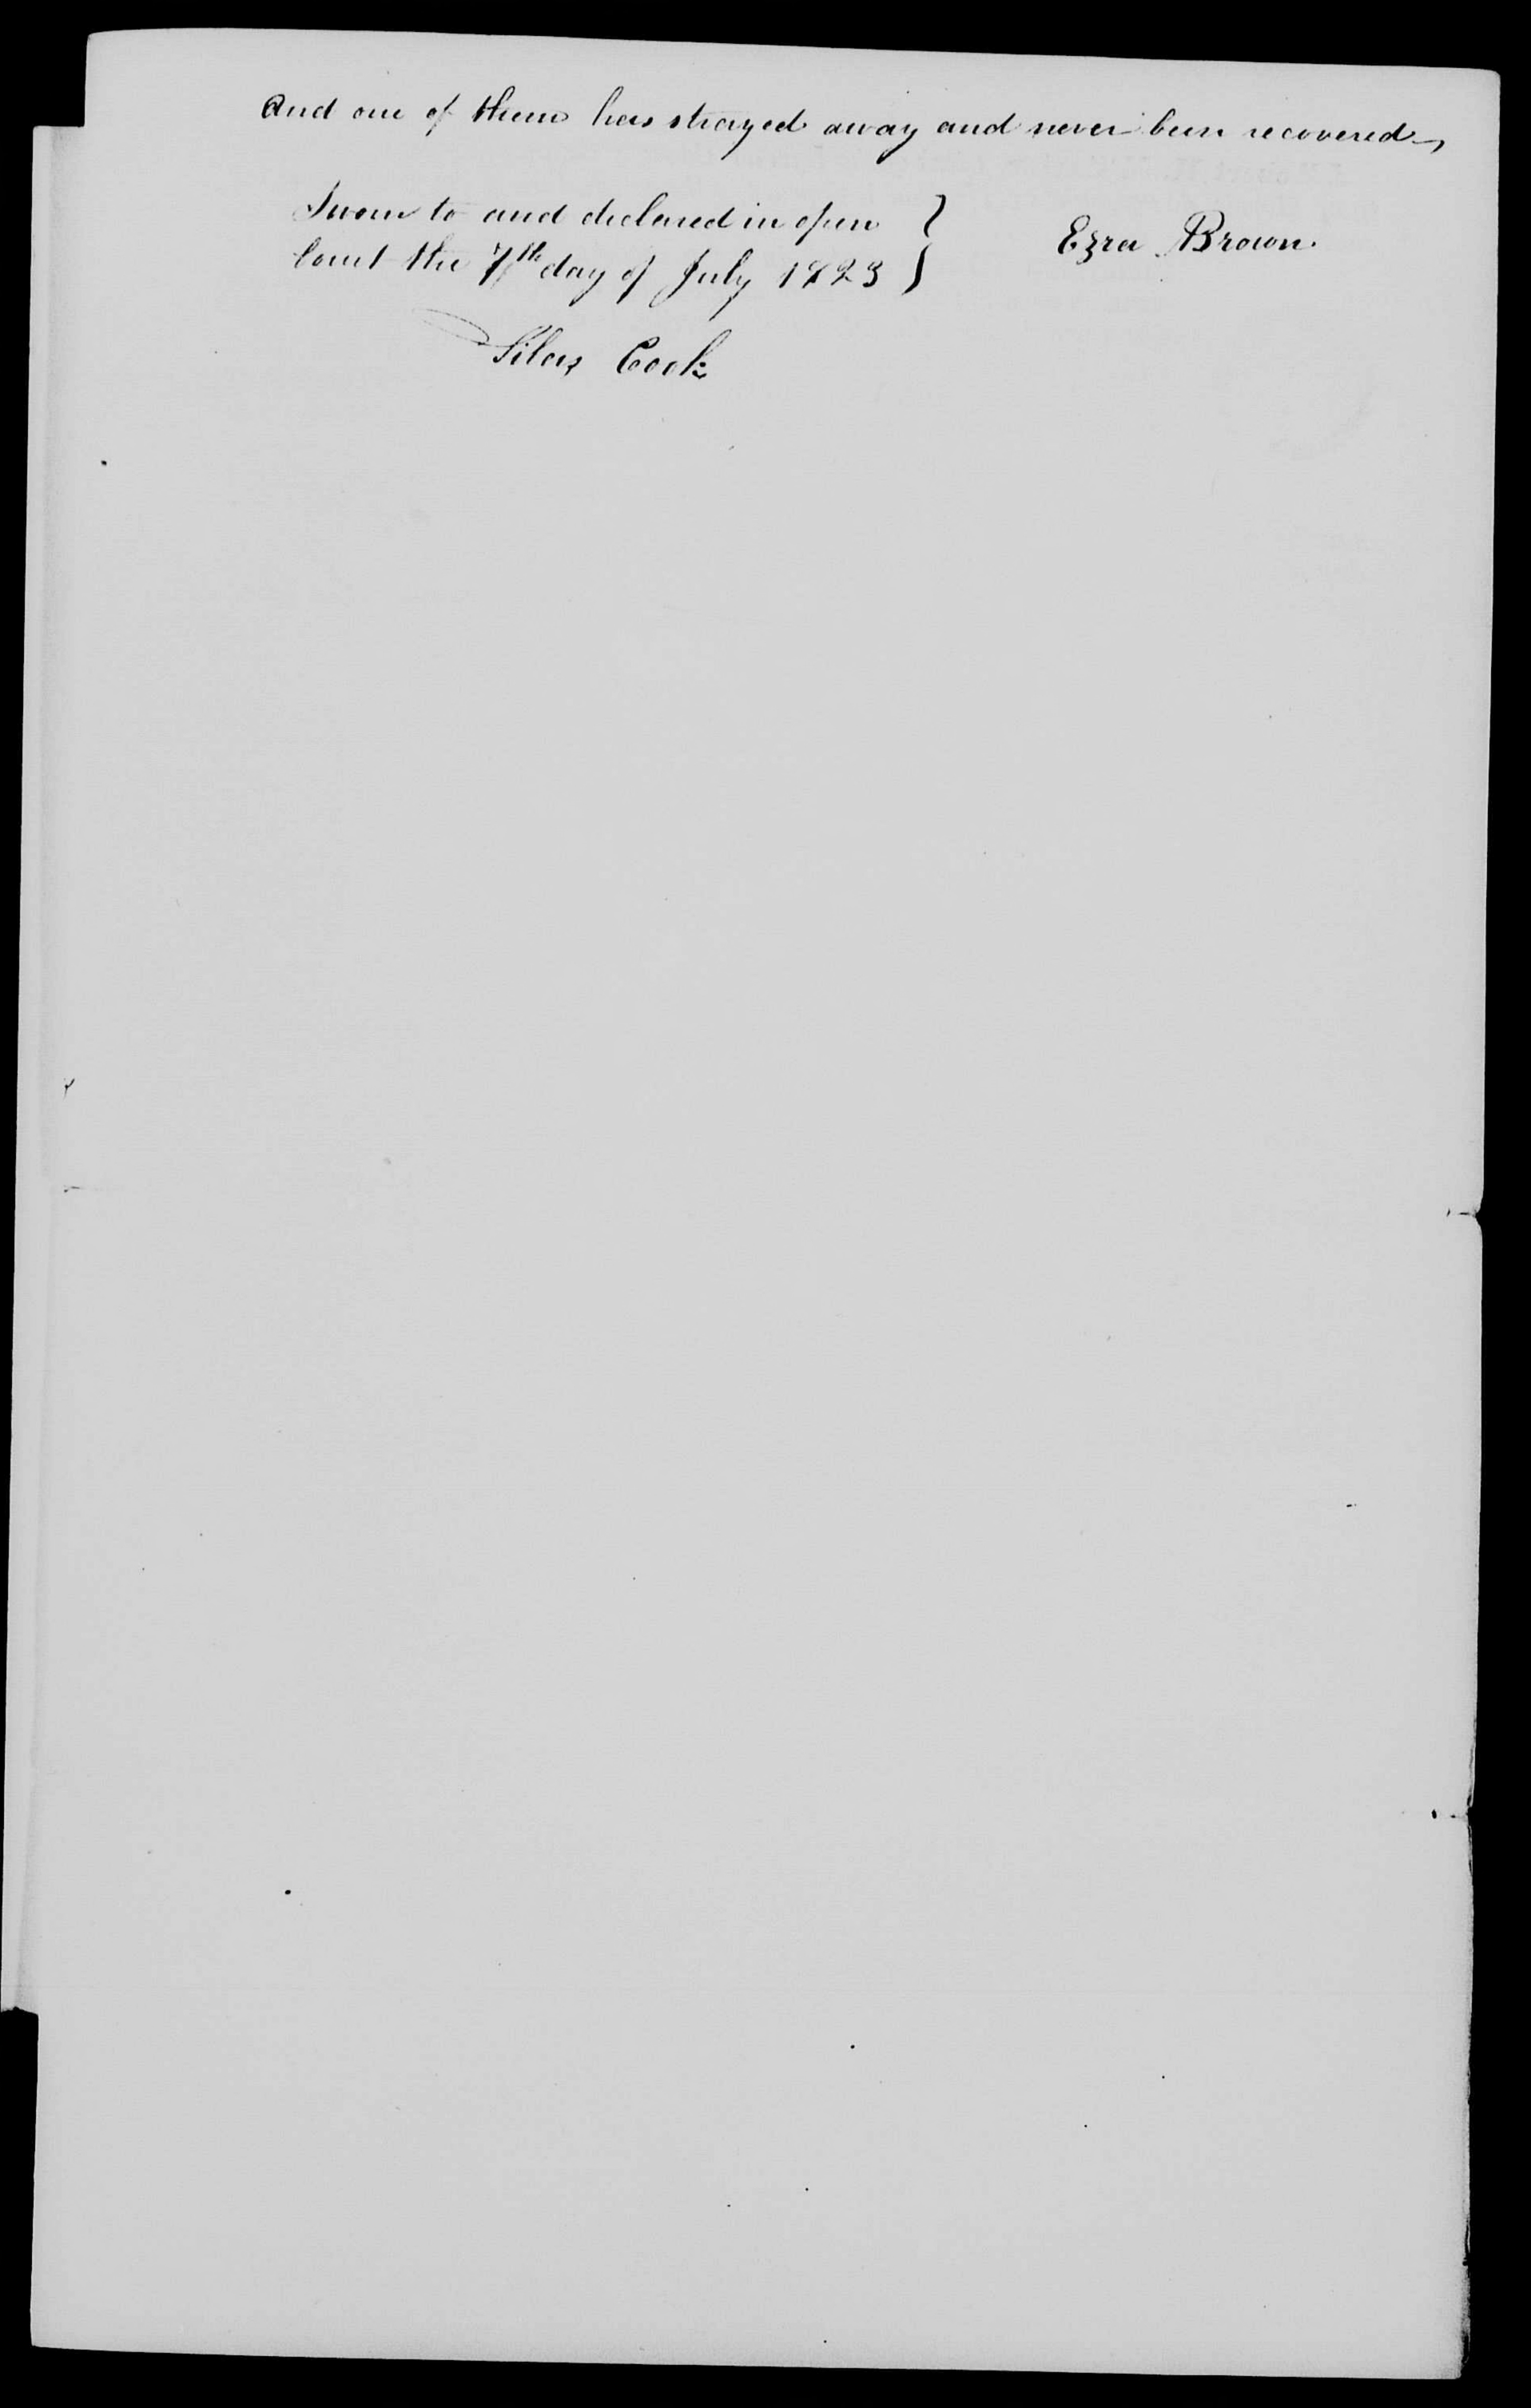and one of them has strayed away and never been recovered-
Ezra Brown
Sworn to and declared in open }
Court the 7th day of July 1823 }
Silas Cook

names: Ezra Brown, Silas Cook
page: 22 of 27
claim: survivor's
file: S. 34,094, Ezra Brown, New Jersey